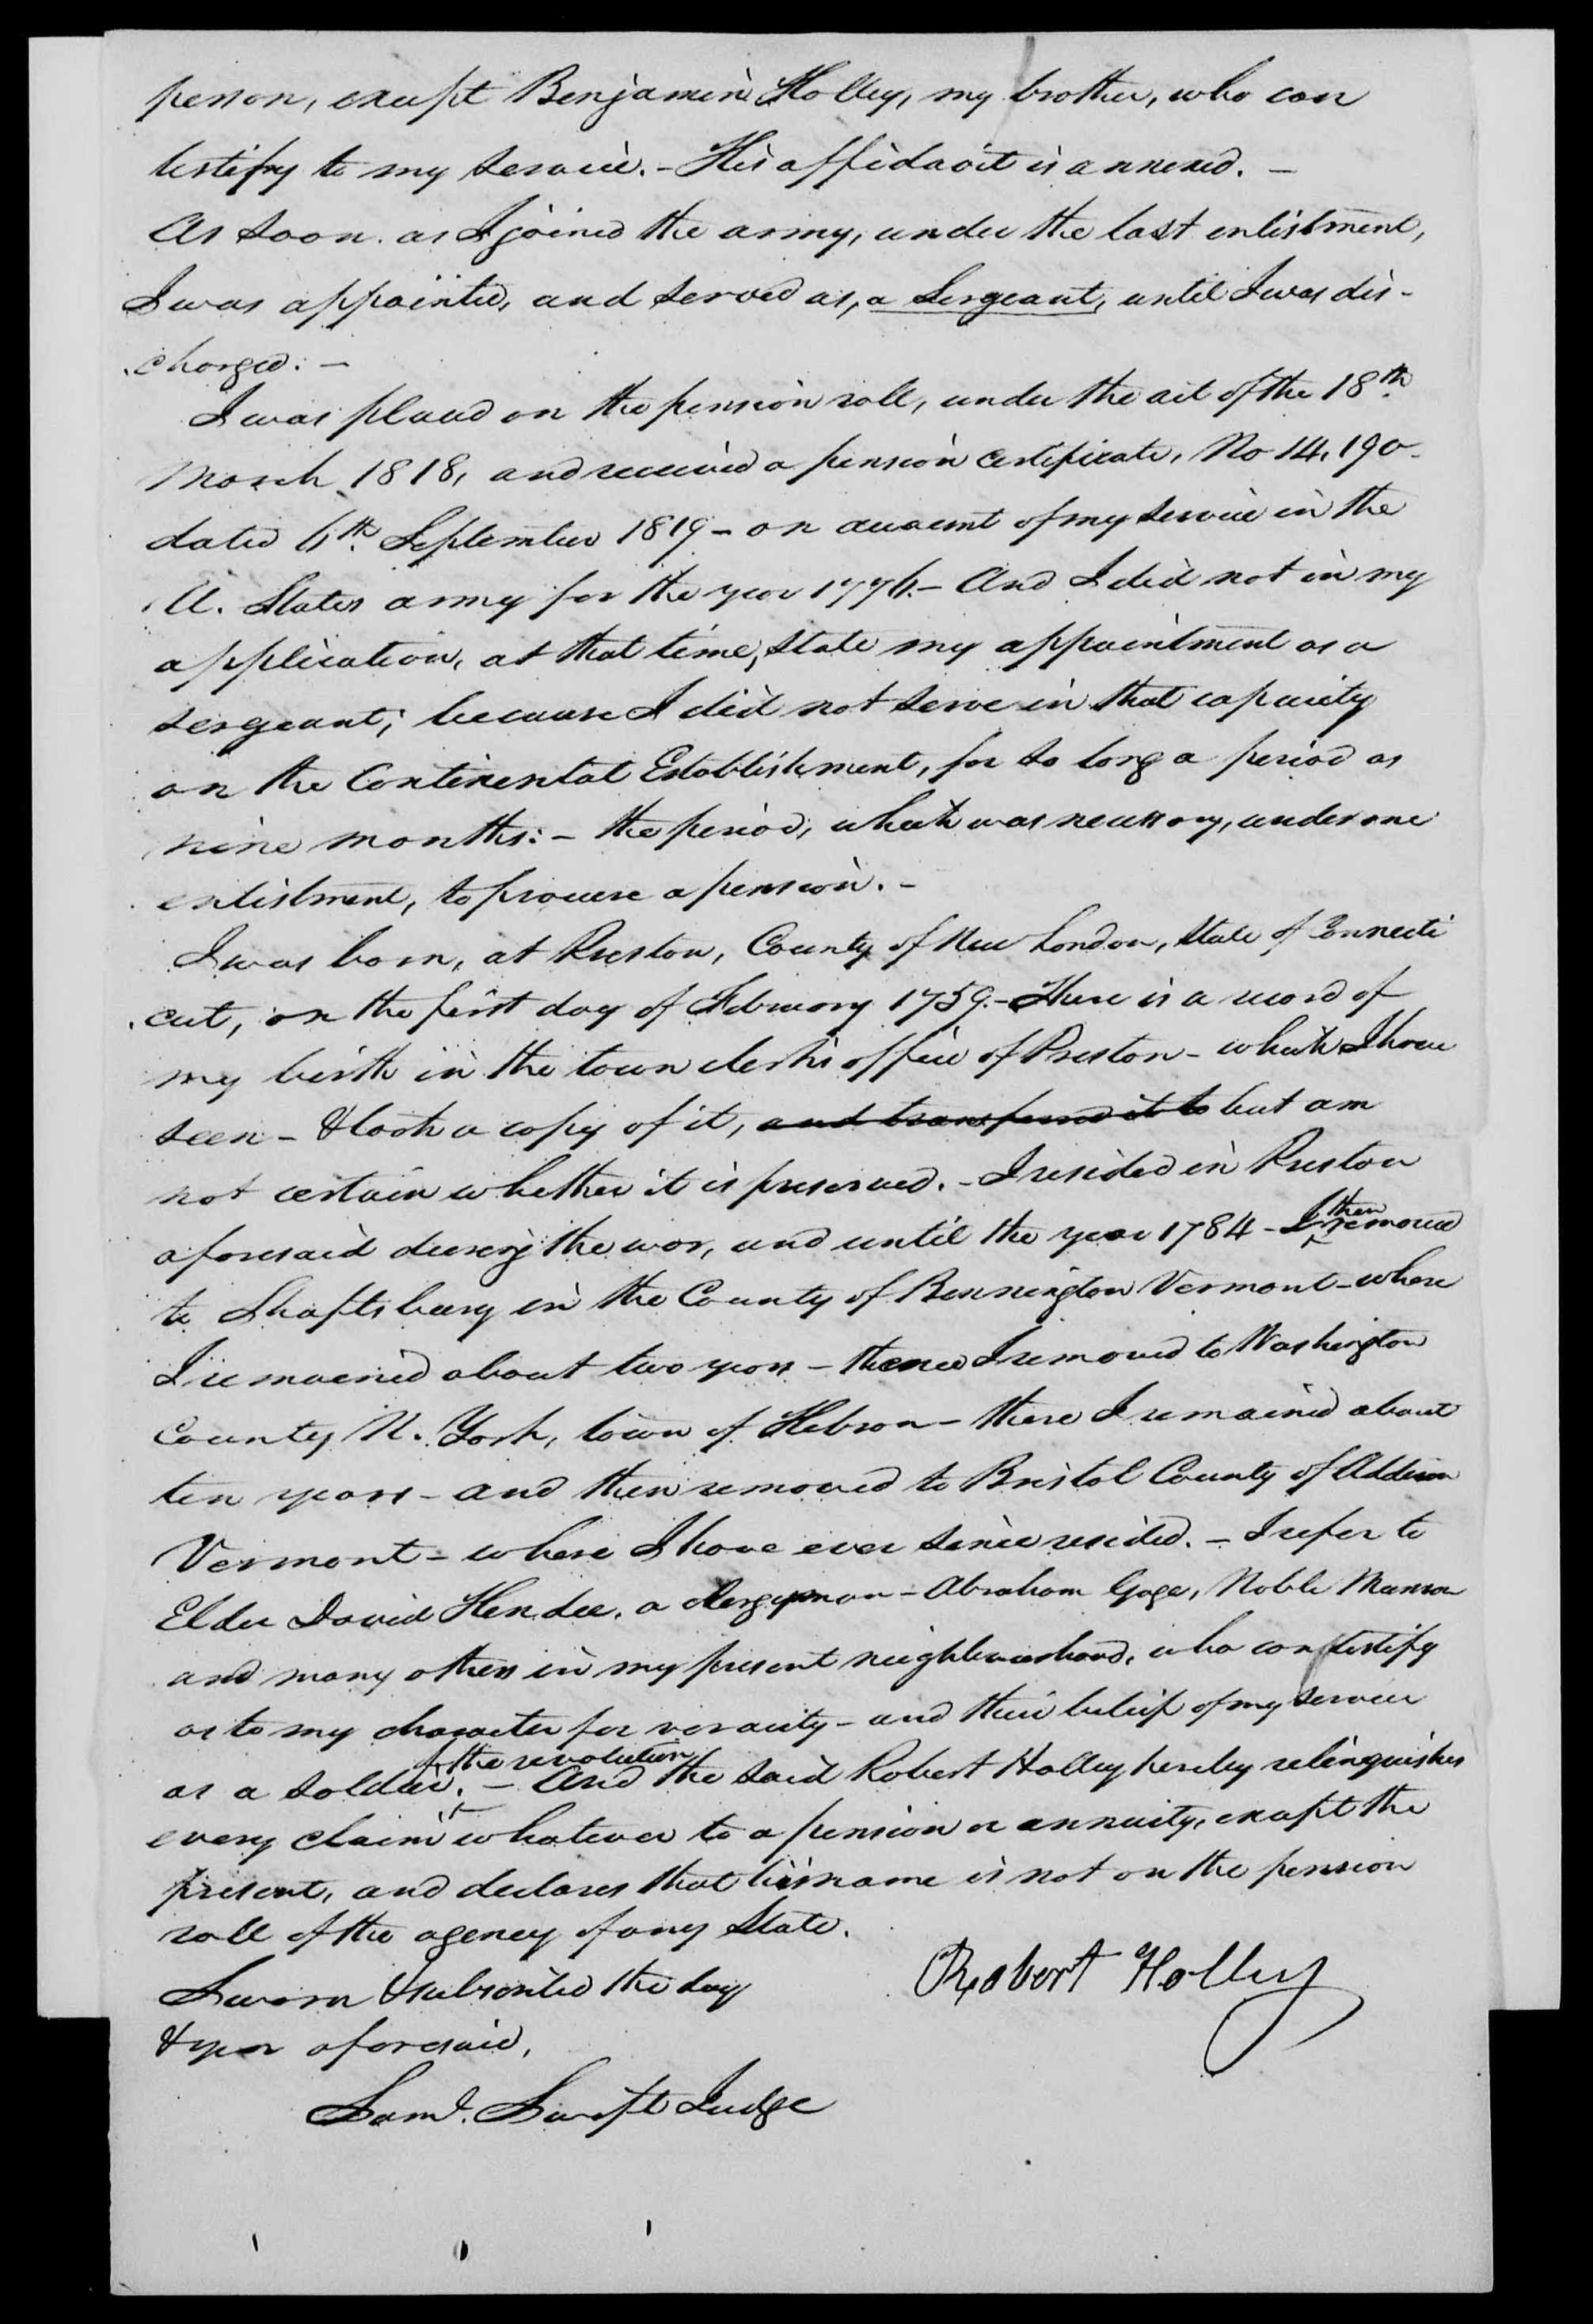person, except Benjamin Holley, my brother, who can
testify to my service. His affidavit is annexed.
As soon as I joined the army, under the last enlistment,
I was appointed, and served as a Sergeant, until I was discharged
I was placed on the pension roll, under the act of the 18th
March 1818, and received a pension certificate No 14, 190
dated 6th September 1819 - on account of my service in the
U. States army for the year 1776- and I did not in my
application, at that time, state my appointment or a
sergeant; because I did not serve in that capacity
on the continental Establishment, for so long a period as
nine months: the period, which was necessary, under one
enlistment, to procure a pension. 
I was born, at Preston, County of New London, State of Connecticut,
on the first day of February 1759. There is a record of
my birth in the town clerks office of Preston, which I have
seen. & took a copy of it, but am
not certain whether it is preserved. I resided in Preston
aforesaid during the war, and until the year 1784. Then moved
to Shaftsbury in the County of Bennington Vermont where
I remained about two years - thence I removed to Washington
County N. York town of Hebron there I remained about
ten years - and then removed to Bristol County of Addison
Vermont. where I have ever since resided. I refer to
Elder David Hendee, a clergyman, Abraham Gage, Noble Manson
and many other in my present neighborhood, who can testify 
as to my character for veracity, and their belief of my service
as a soldier in the Revolution - and the said Robert Holly hereby relinquishes
every claim whatever to a pension or annuity, except the
present, and declares that his name is not on the pension
roll of the agency of any State.
Robert Holley
Sworn & subscribed the day
& year aforesaid,
Saml Swift Judge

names: Preston, Abraham Goge, Robert Halley, Benjamin Holley, Saml Swift, David Hendee, Robert Holley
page: 16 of 62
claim: widow's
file: W. 21391, Robert Holley, Conn.